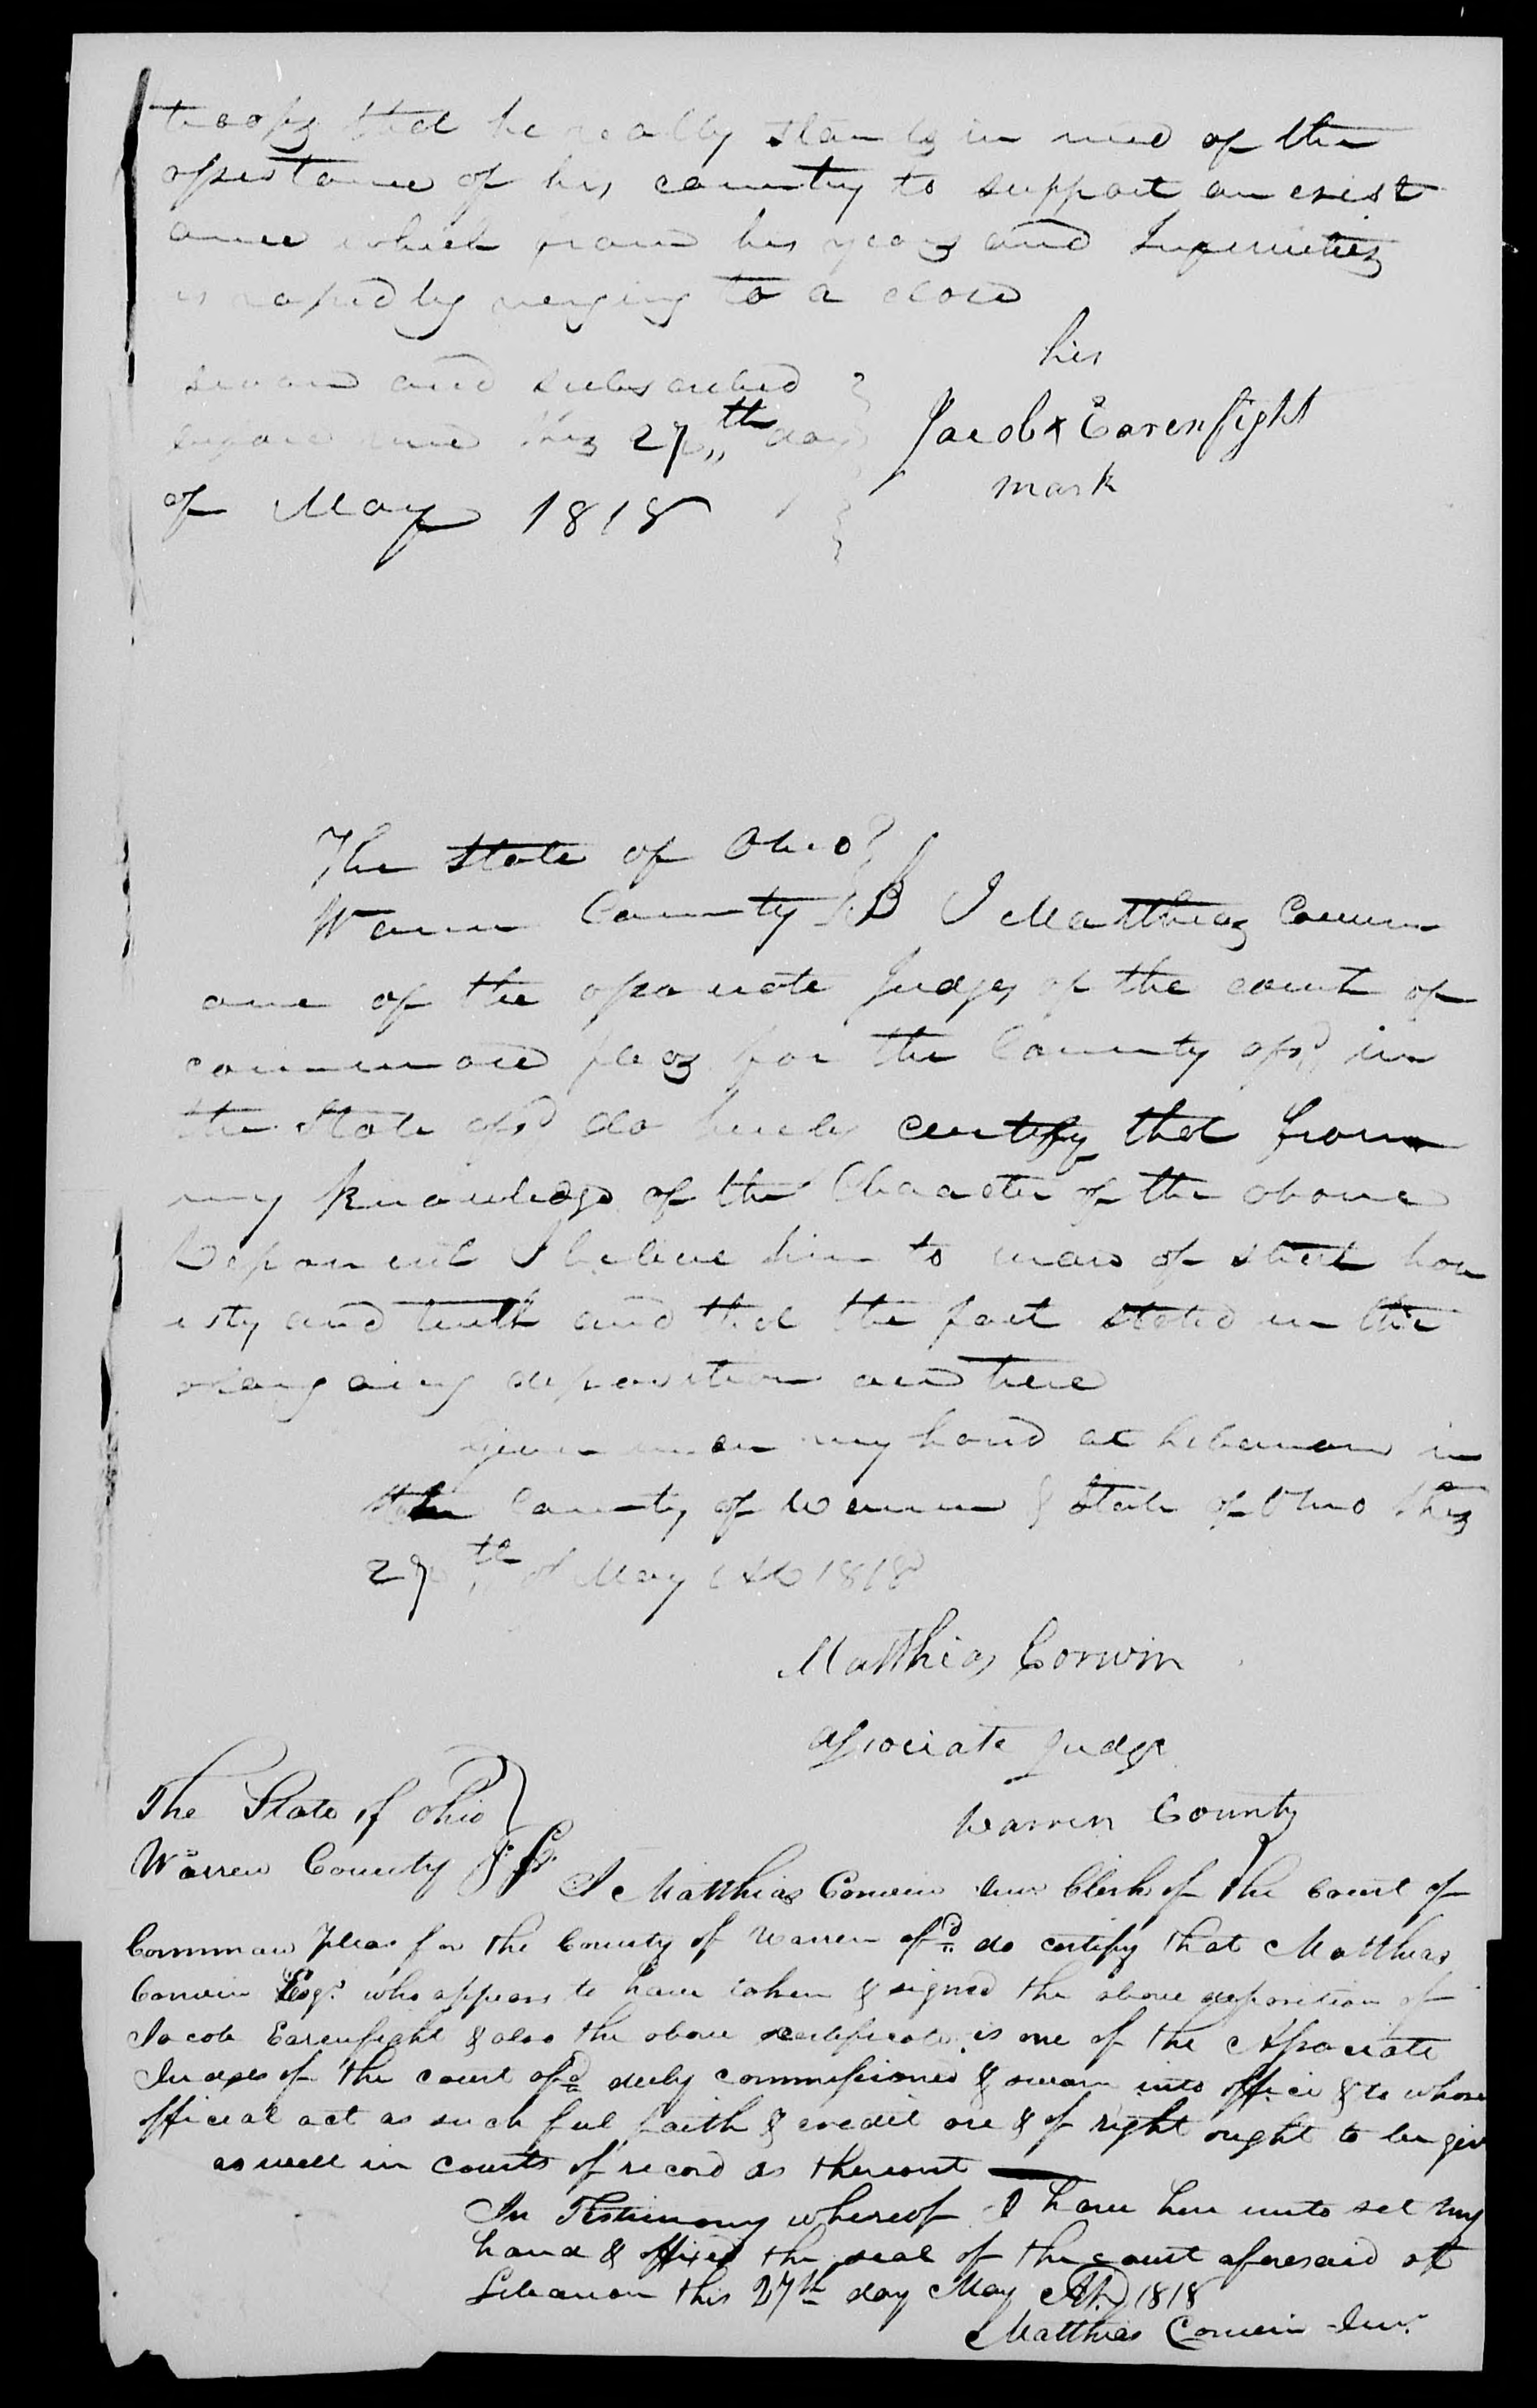troops that he really stands in need of assistance of his country to support an existence which from his years and [Superwties?]  is rapidly [merging?] to a close    Jacob Earenfight  his X mark
  Sworn and subscribed before me this 27th day of May 1818
Matthias Corwin   Associate Judge   Warren County
  The State of Ohio   Warren County} ss      I Matthias Corwin [?]  Clerk of the court of Common pleas for the County of Warren afd do certify that Matthias Corwin Esq who appears to have taken & signed the above [..?tion]     of Jacob Earenfight & also the above certificate is one of the Associate Judges  of the court afsd duly commissioned       & sworn into office & to whose official act as such ful faith & [?] are & of right ought to begin  as well in courts of record as ther[onst?]
 In testimony whereof I have here unto set my hand & the seal of the court aforesaid at Lebanon this 27th day May A.D. 1818      Matthias Corwin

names: Jacob Earenfight, Matthias Corwin, Matthias Corwin, Matthias Corwin, Jacob Earenfight, Matthias Corwin, Matthias Corwin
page: 5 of 21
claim: survivor's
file: S. 42691, Jacob Earenfight, Continental Ohio Residence And Agency